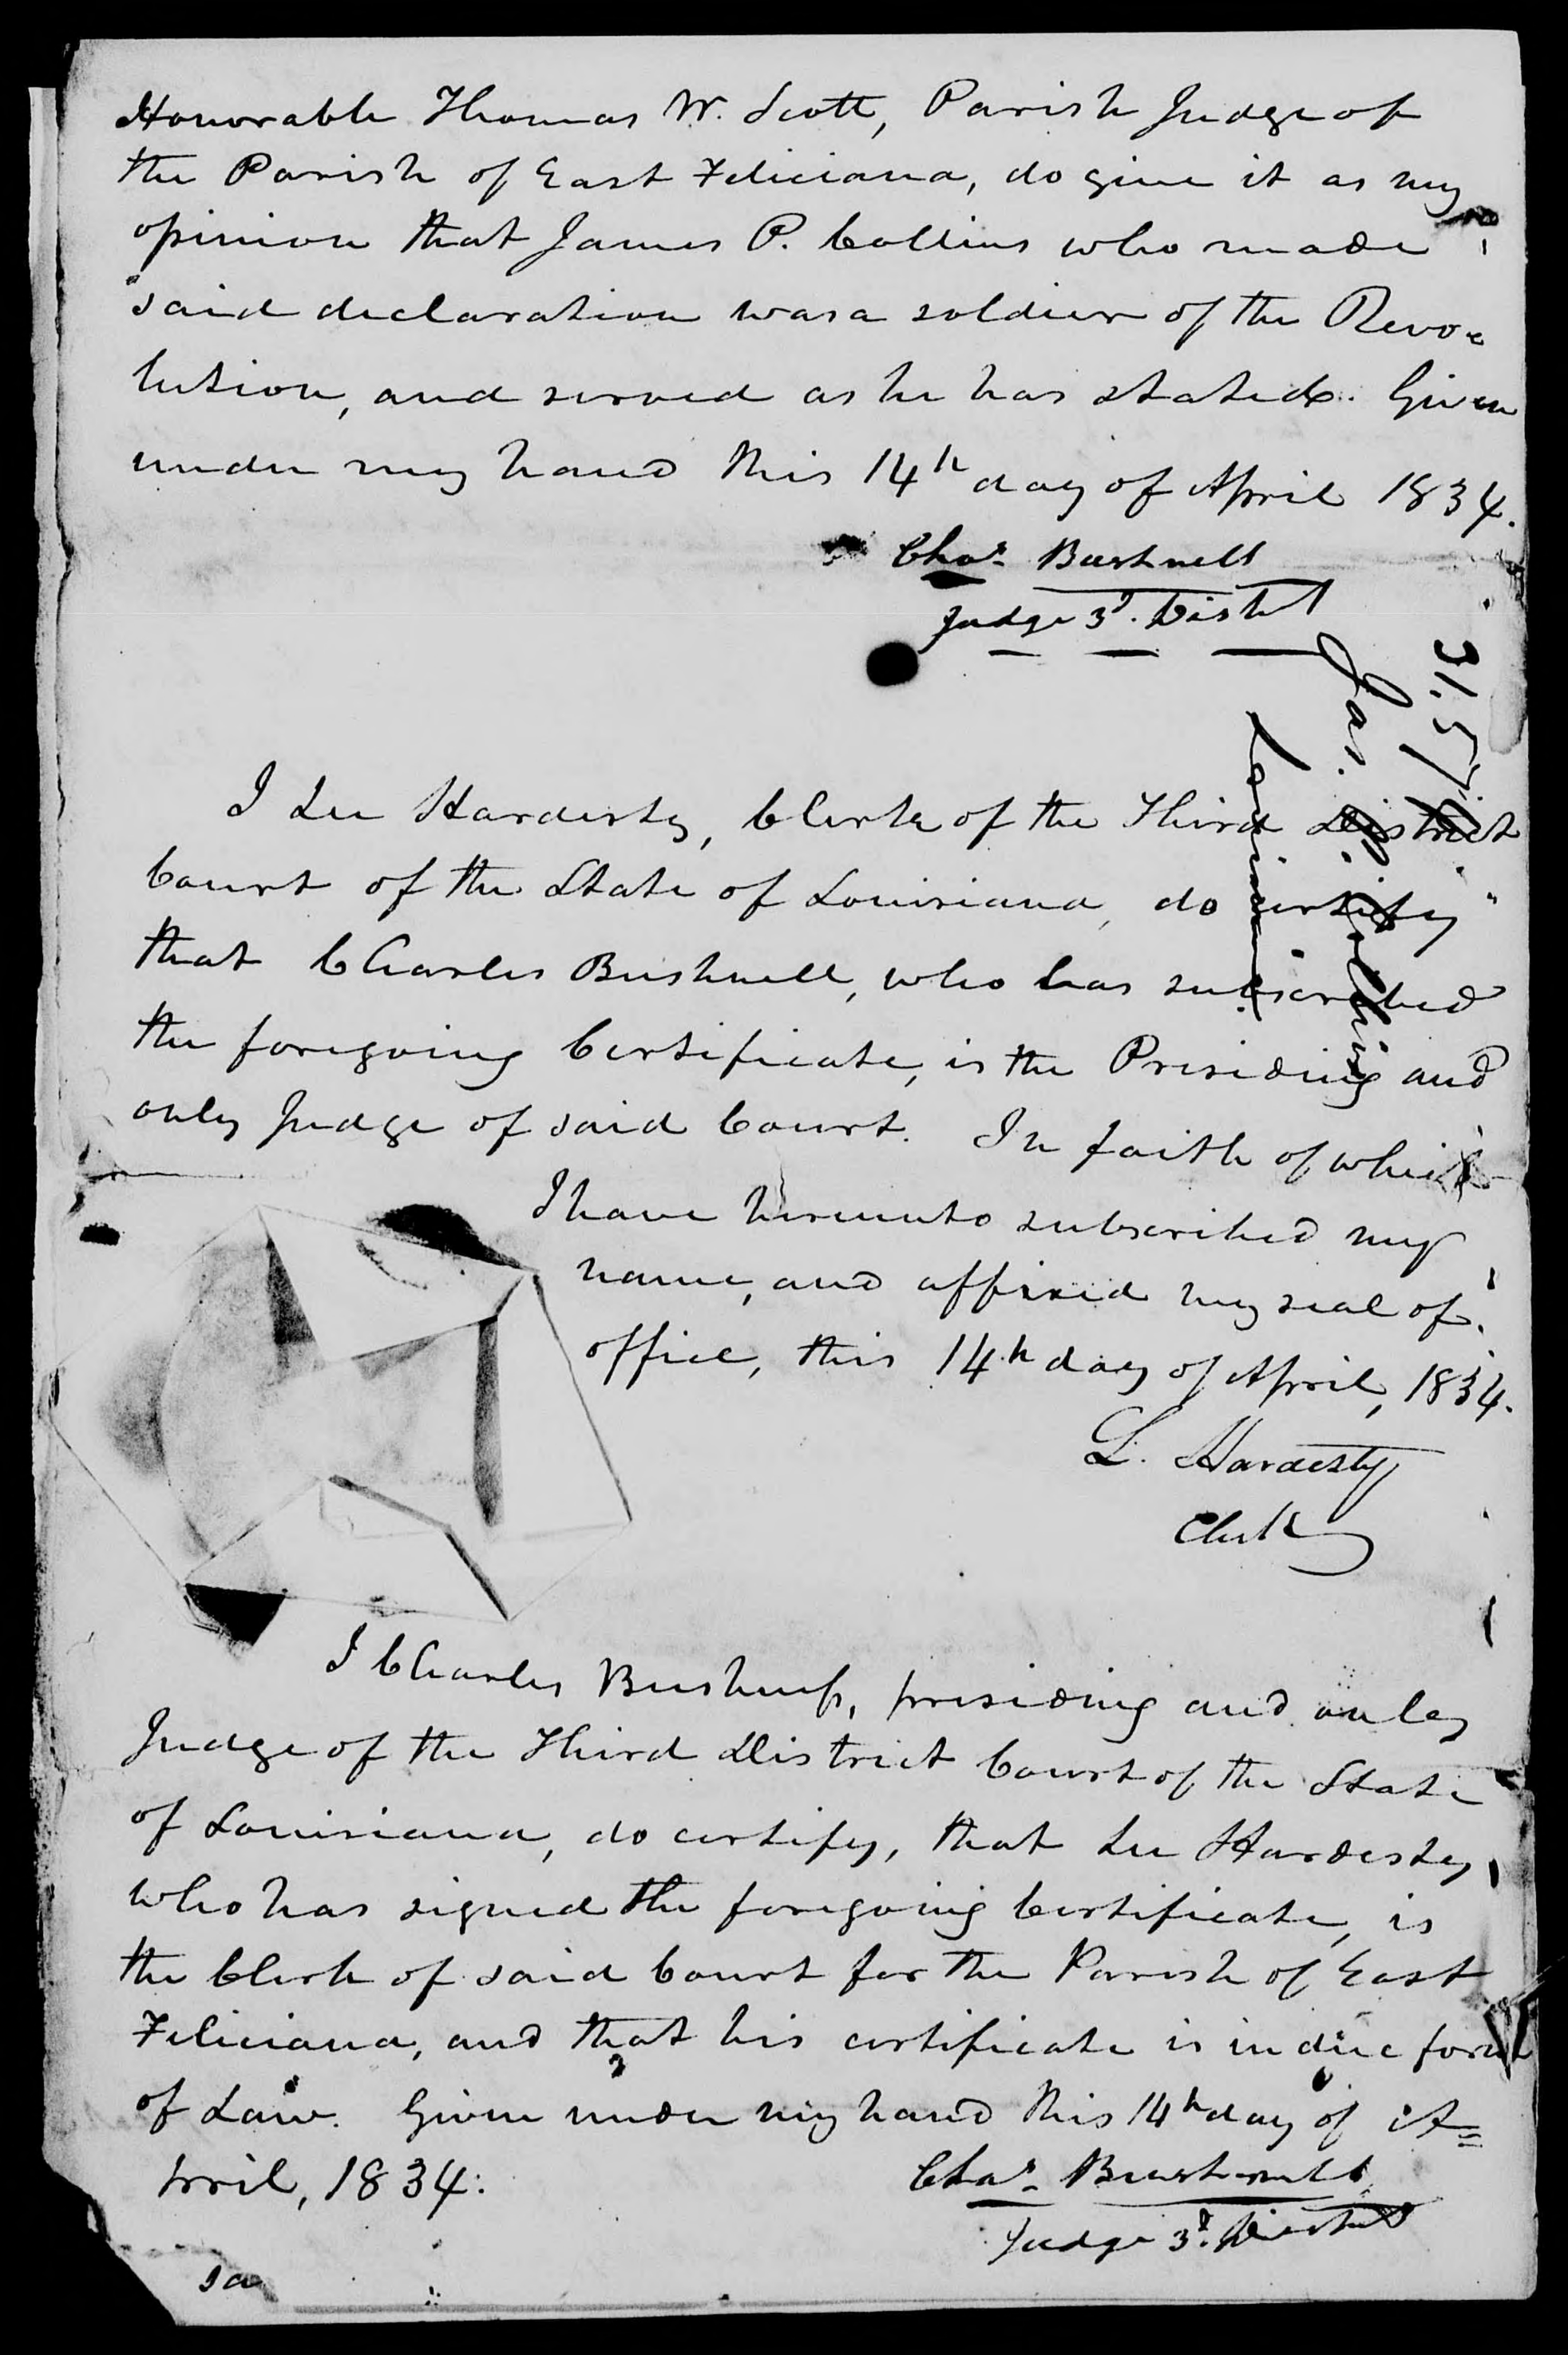Honorable Thomas W. Scott, Parish Judge of the Parish of East Feliciana, do give it as my opinion that James P. Collins who made said declaration was a soldier of the Revolution, and served as he has stated. Given under my hand this 14th day of April 1834
Chas Bushnell
Judge 3d District

I Lee Hardesty, Clerk of the third Court of the State of Louisiana do certify that Charles Bushell, who has subscribed the foregoing Certificate, is the Presiding and only Judge of said Court. In faith of which I have hereunto subscribed my name, and affixed my seal of office, this 14th day of April 1834
L Hardesty
Clerk

I Charles Bushnell, presiding and sole Judge of the Third District Court of the of Louisiana, do certify, that Lee Hardesty who has signed the foregoing certificate is the Clerk of said Court for the Parish of East Feliciana, and that his certificate is in due form of Law. Given under my hand this 14th day of April, 1834.
Chas Bushnell
Judge 3d District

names: Lee Hardesty, James P Collins, L Hardesty, Jas P Collins, Lee Hardesty, Charles Bushnell, Chas Bushnell, Chas Bushnell, Charles Bushnel, Thomas W Scott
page: 9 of 48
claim: rejected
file: R. 2173, James P Collins, S. C.